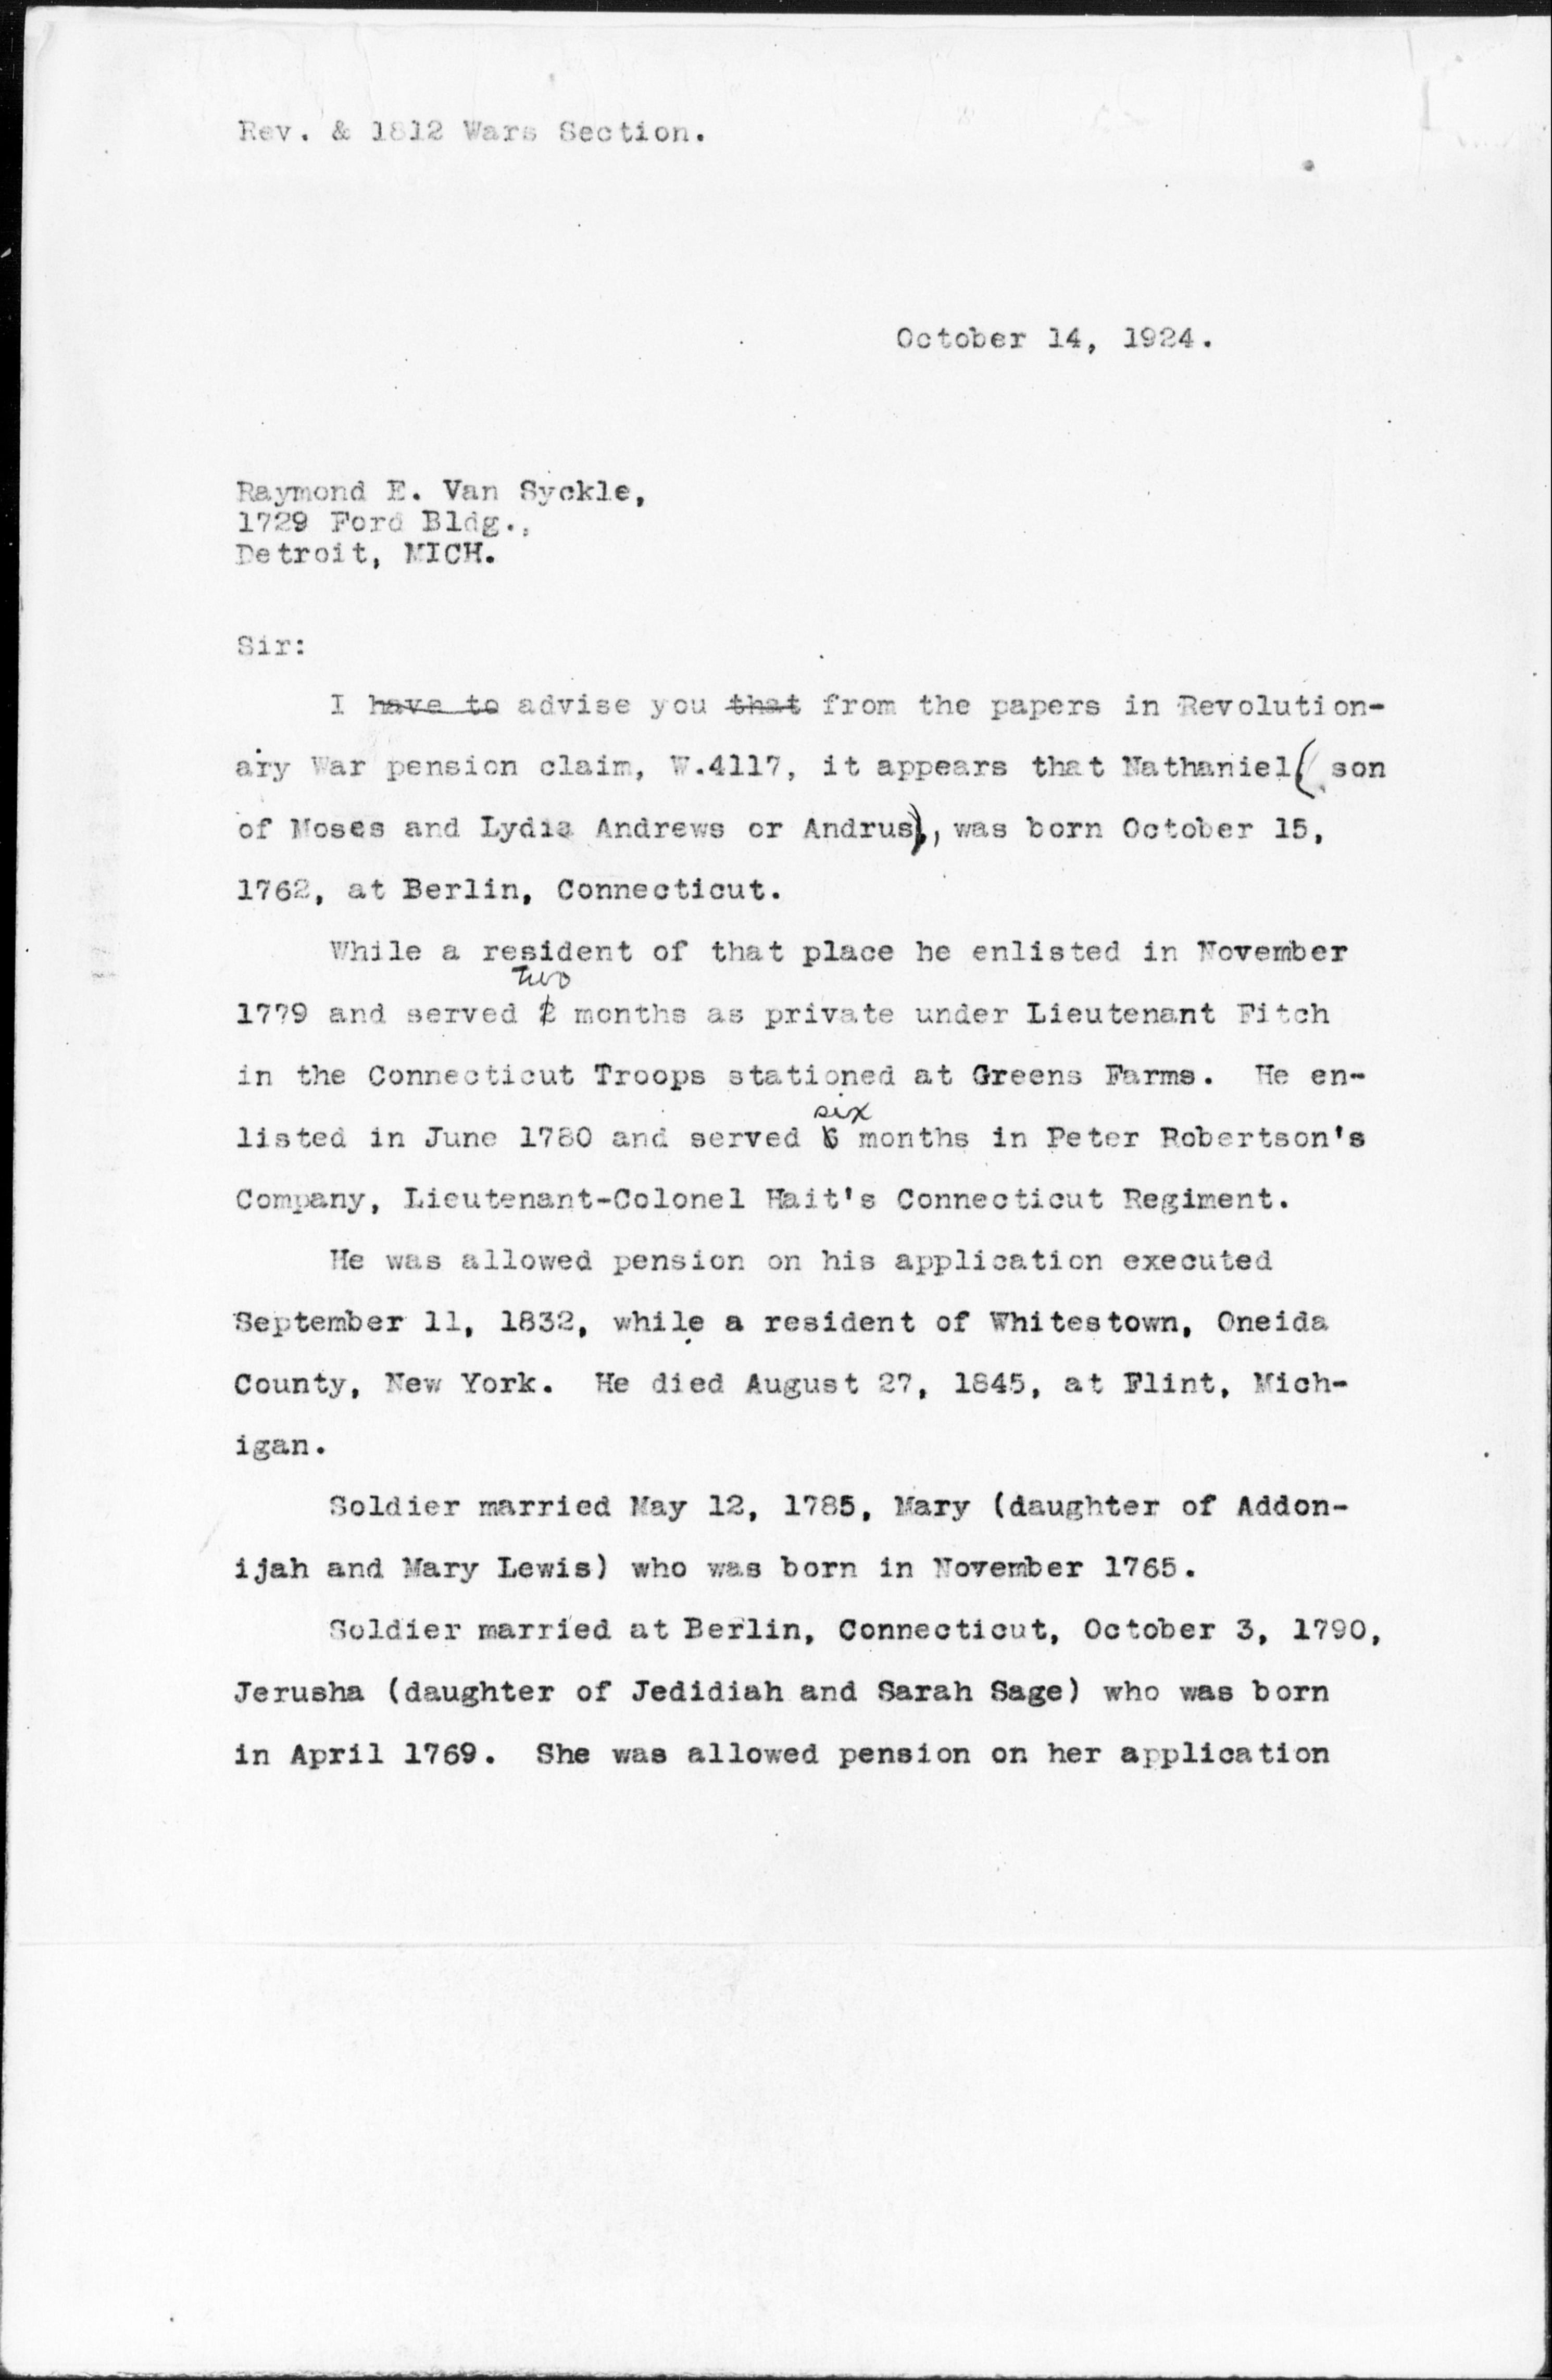Rev. & 1812 Wars Section.
October 14, 1924.
Raymond E. Van Syckle,
1729 Ford Bldg.,
Detroit, MICH.
Sir:
I advise you from the papers in Revolutionary
War pension claim, W. 4117, it appears that Nathaniel (son
of Moses and Lydia Andrews or Andrus), was born October 15,
1762, at Berlin, Connecticut.
While a resident of that place he enlisted in November
1779 and served two months as private under Lieutenant Fitch
in the Connecticut Troops stationed at Greens Farms. He enlisted 
in June 1780 and served six months in Peter Robertson's
Company, Lieutenant-Colonel Hait's Connecticut Regiment.
He was allowed pension on his application executed
September 11, 1832, while a resident of Whitestown, Oneida
County, New York. He died August 27, 1845, at Flint, Michigan
Soldier married May 12, 1785, Mary (daughter of Addonijah
and Mary Lewis ) who was born in November 1765.
Soldier married at Berlin, Connecticut, October 3, 1790,
Jerusha (daughter of Jedidiah and Sarah Sage) who was born
in April 1769. She was allowed pension on her application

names: Mary Lewis, Addonijah Lewis, Raymond E Van Syckle, Jerusha, Mary, Moses, Lydia Andrus, Sarah Sage, Jedidiah Sage, Lydia Andrews, Nathaniel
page: 75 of 78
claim: widow's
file: W. 4117, Nathaniel Bradley, Conn.